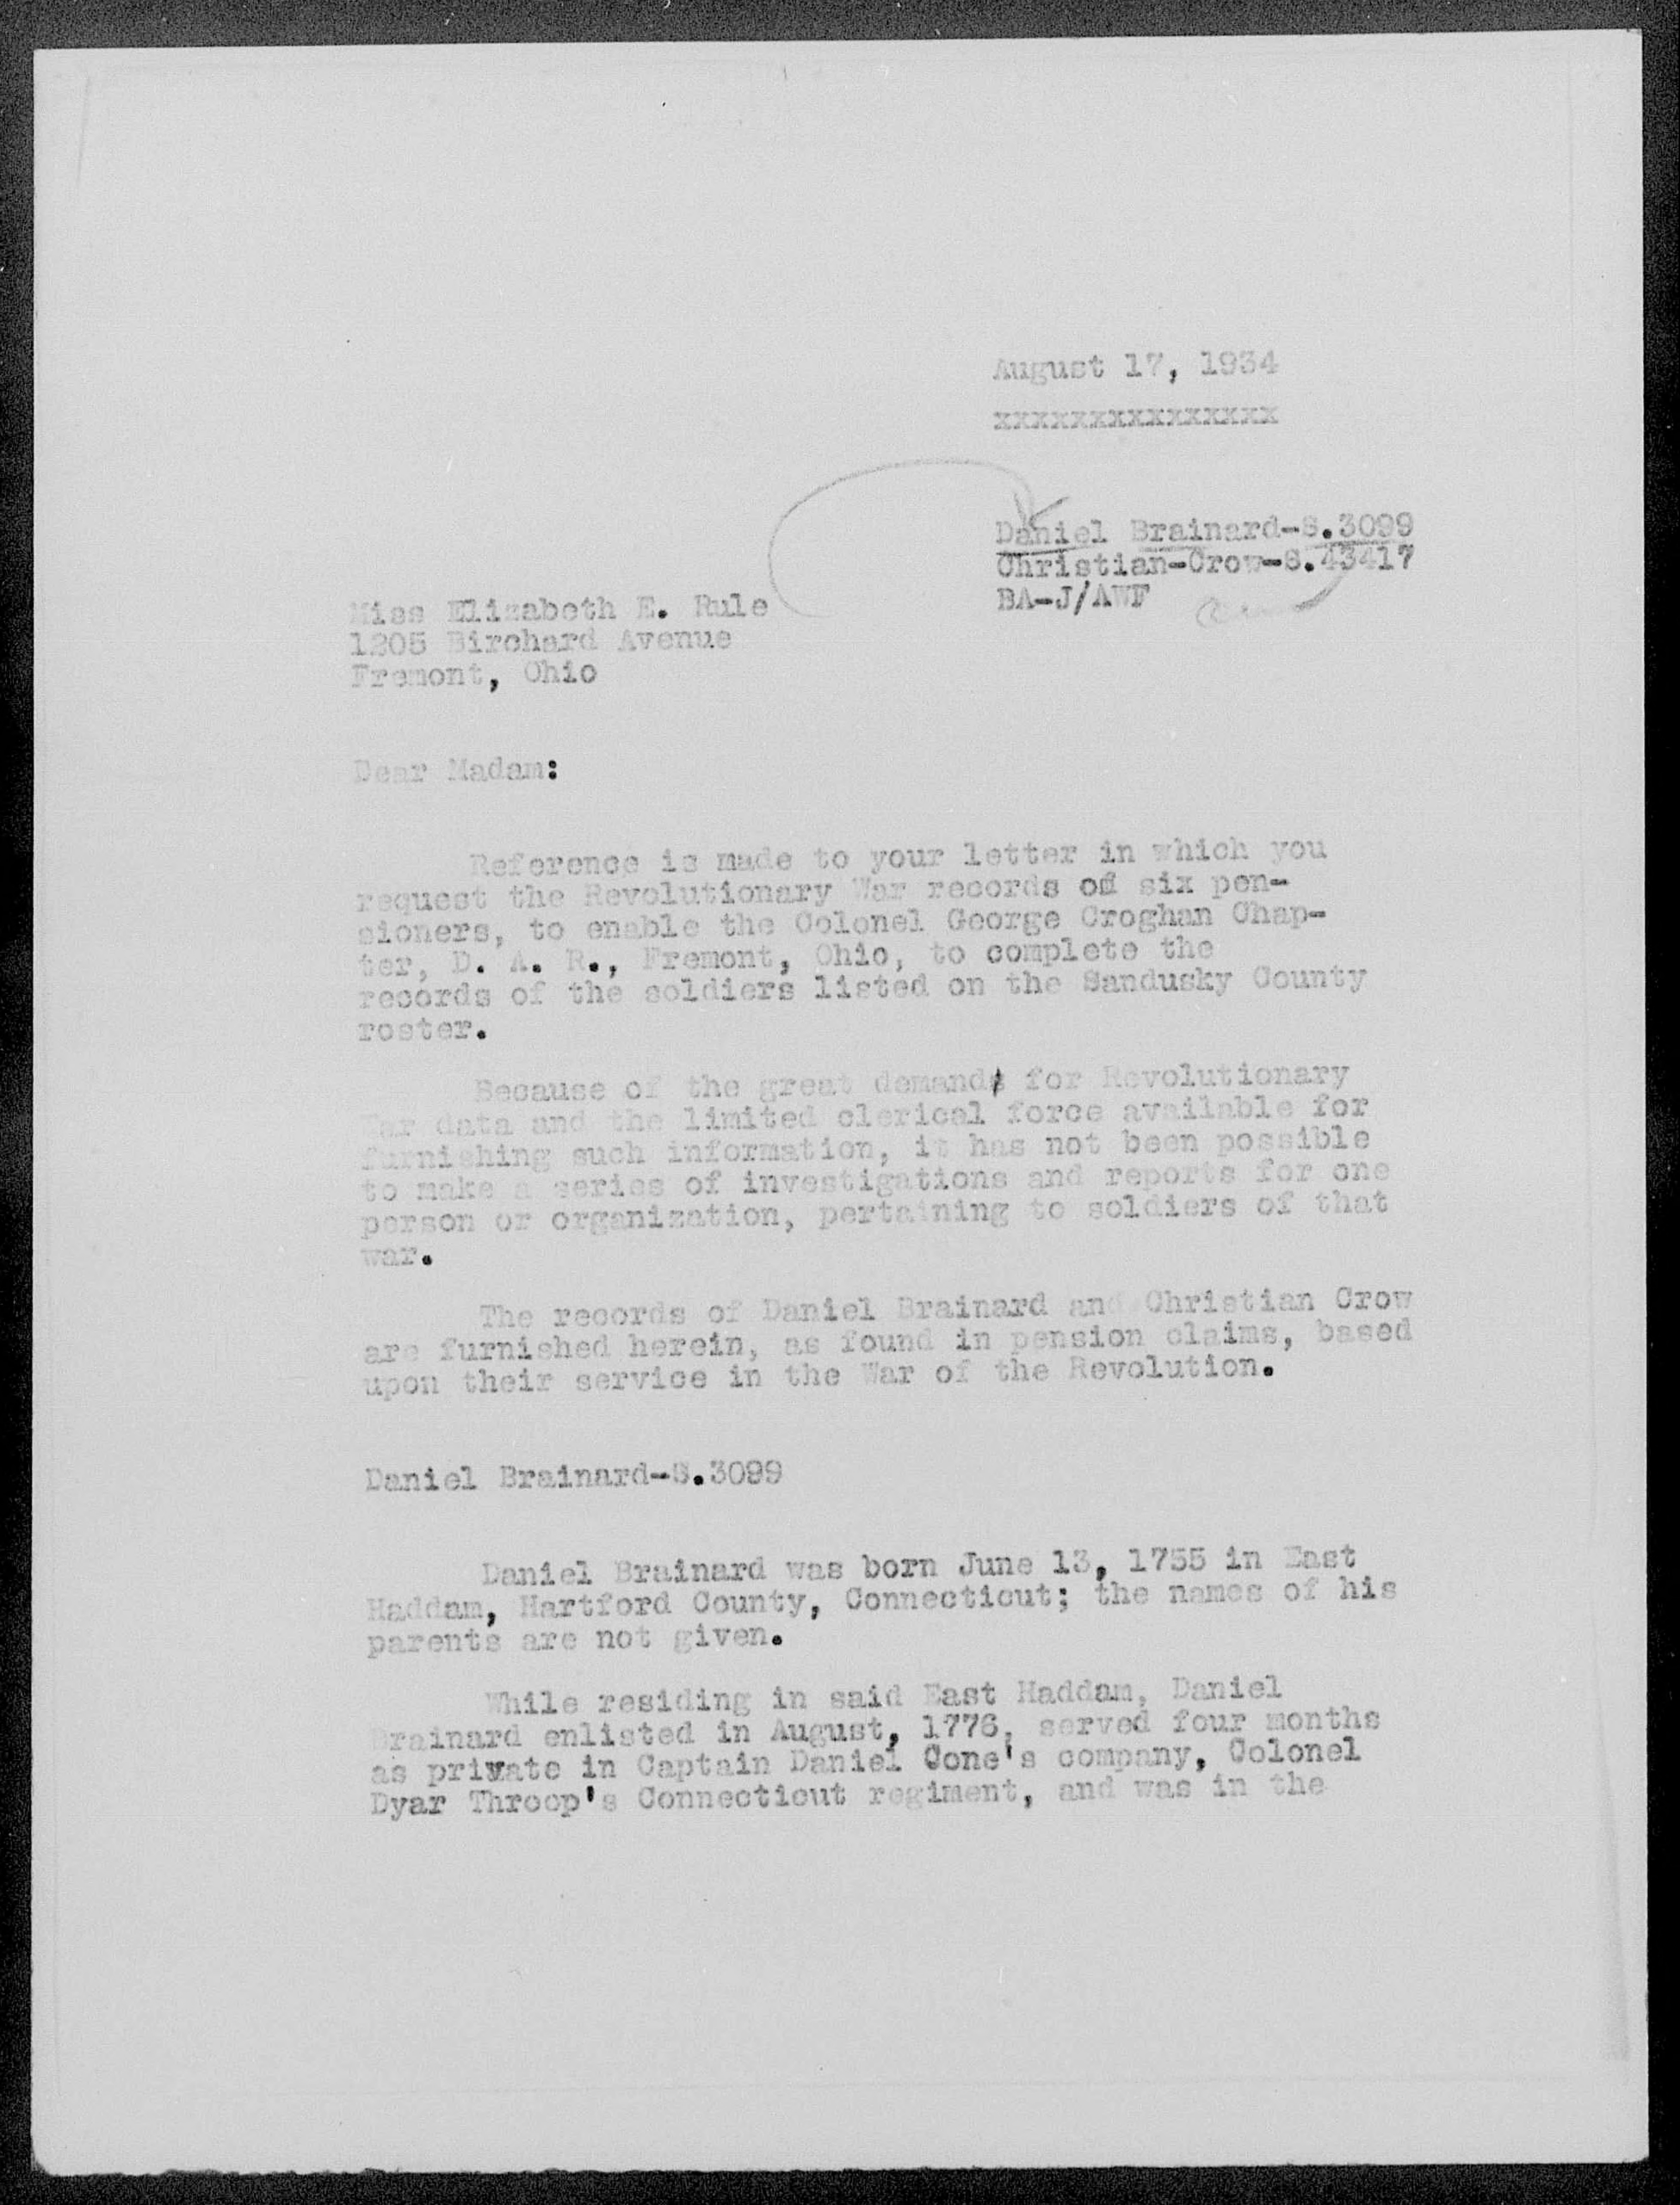Daniel Brainard - S. 3099
Christian Crow - S. 43417
BA-J/AWF
Miss Elizabeth E. Rule
1205 Birchard Avenue
Fremont, Ohio
Dear Madam:
Reference is made to your letter in which you request the Revolutionary War records of six pensioners, to enable the Colonel George Croghan Chapter, D.A.R., Fremont, Ohio, to complete the records of the soldiers listed on the Sandusky County roster.
Because of the great demand for Revolutionary War data and the limited clerical force available for furnishing such information, is has not been possible to make a series of investigations and reports for one person or organization, pertaining to soldiers of that war.
The records of Daniel Brainard and Christian Crow are furnished herein, as found in pension claims, based upon their service in the War of the Revolution.
Daniel Brainard - S.3099
Daniel Brainard was born 13, 1755 in East Haddam, Hartford County, Connecticut; then names of his parents are not given.
While residing in said East Haddam, Daniel Brainard enlisted in August 1776, served four months as private in Captain Daniel Cone's company, Colonel Dyar Throop's Connecticut regiment, and was in the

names: Daniel Brainard, Christian Crow, Daniel Brainard, Daniel Brainard, Daniel Brainard, Daniel Brainard, George Croghan, Elizabeth E Rule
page: 25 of 30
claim: survivor's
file: S. 3099, Daniel Brainard, Conn. Privateer